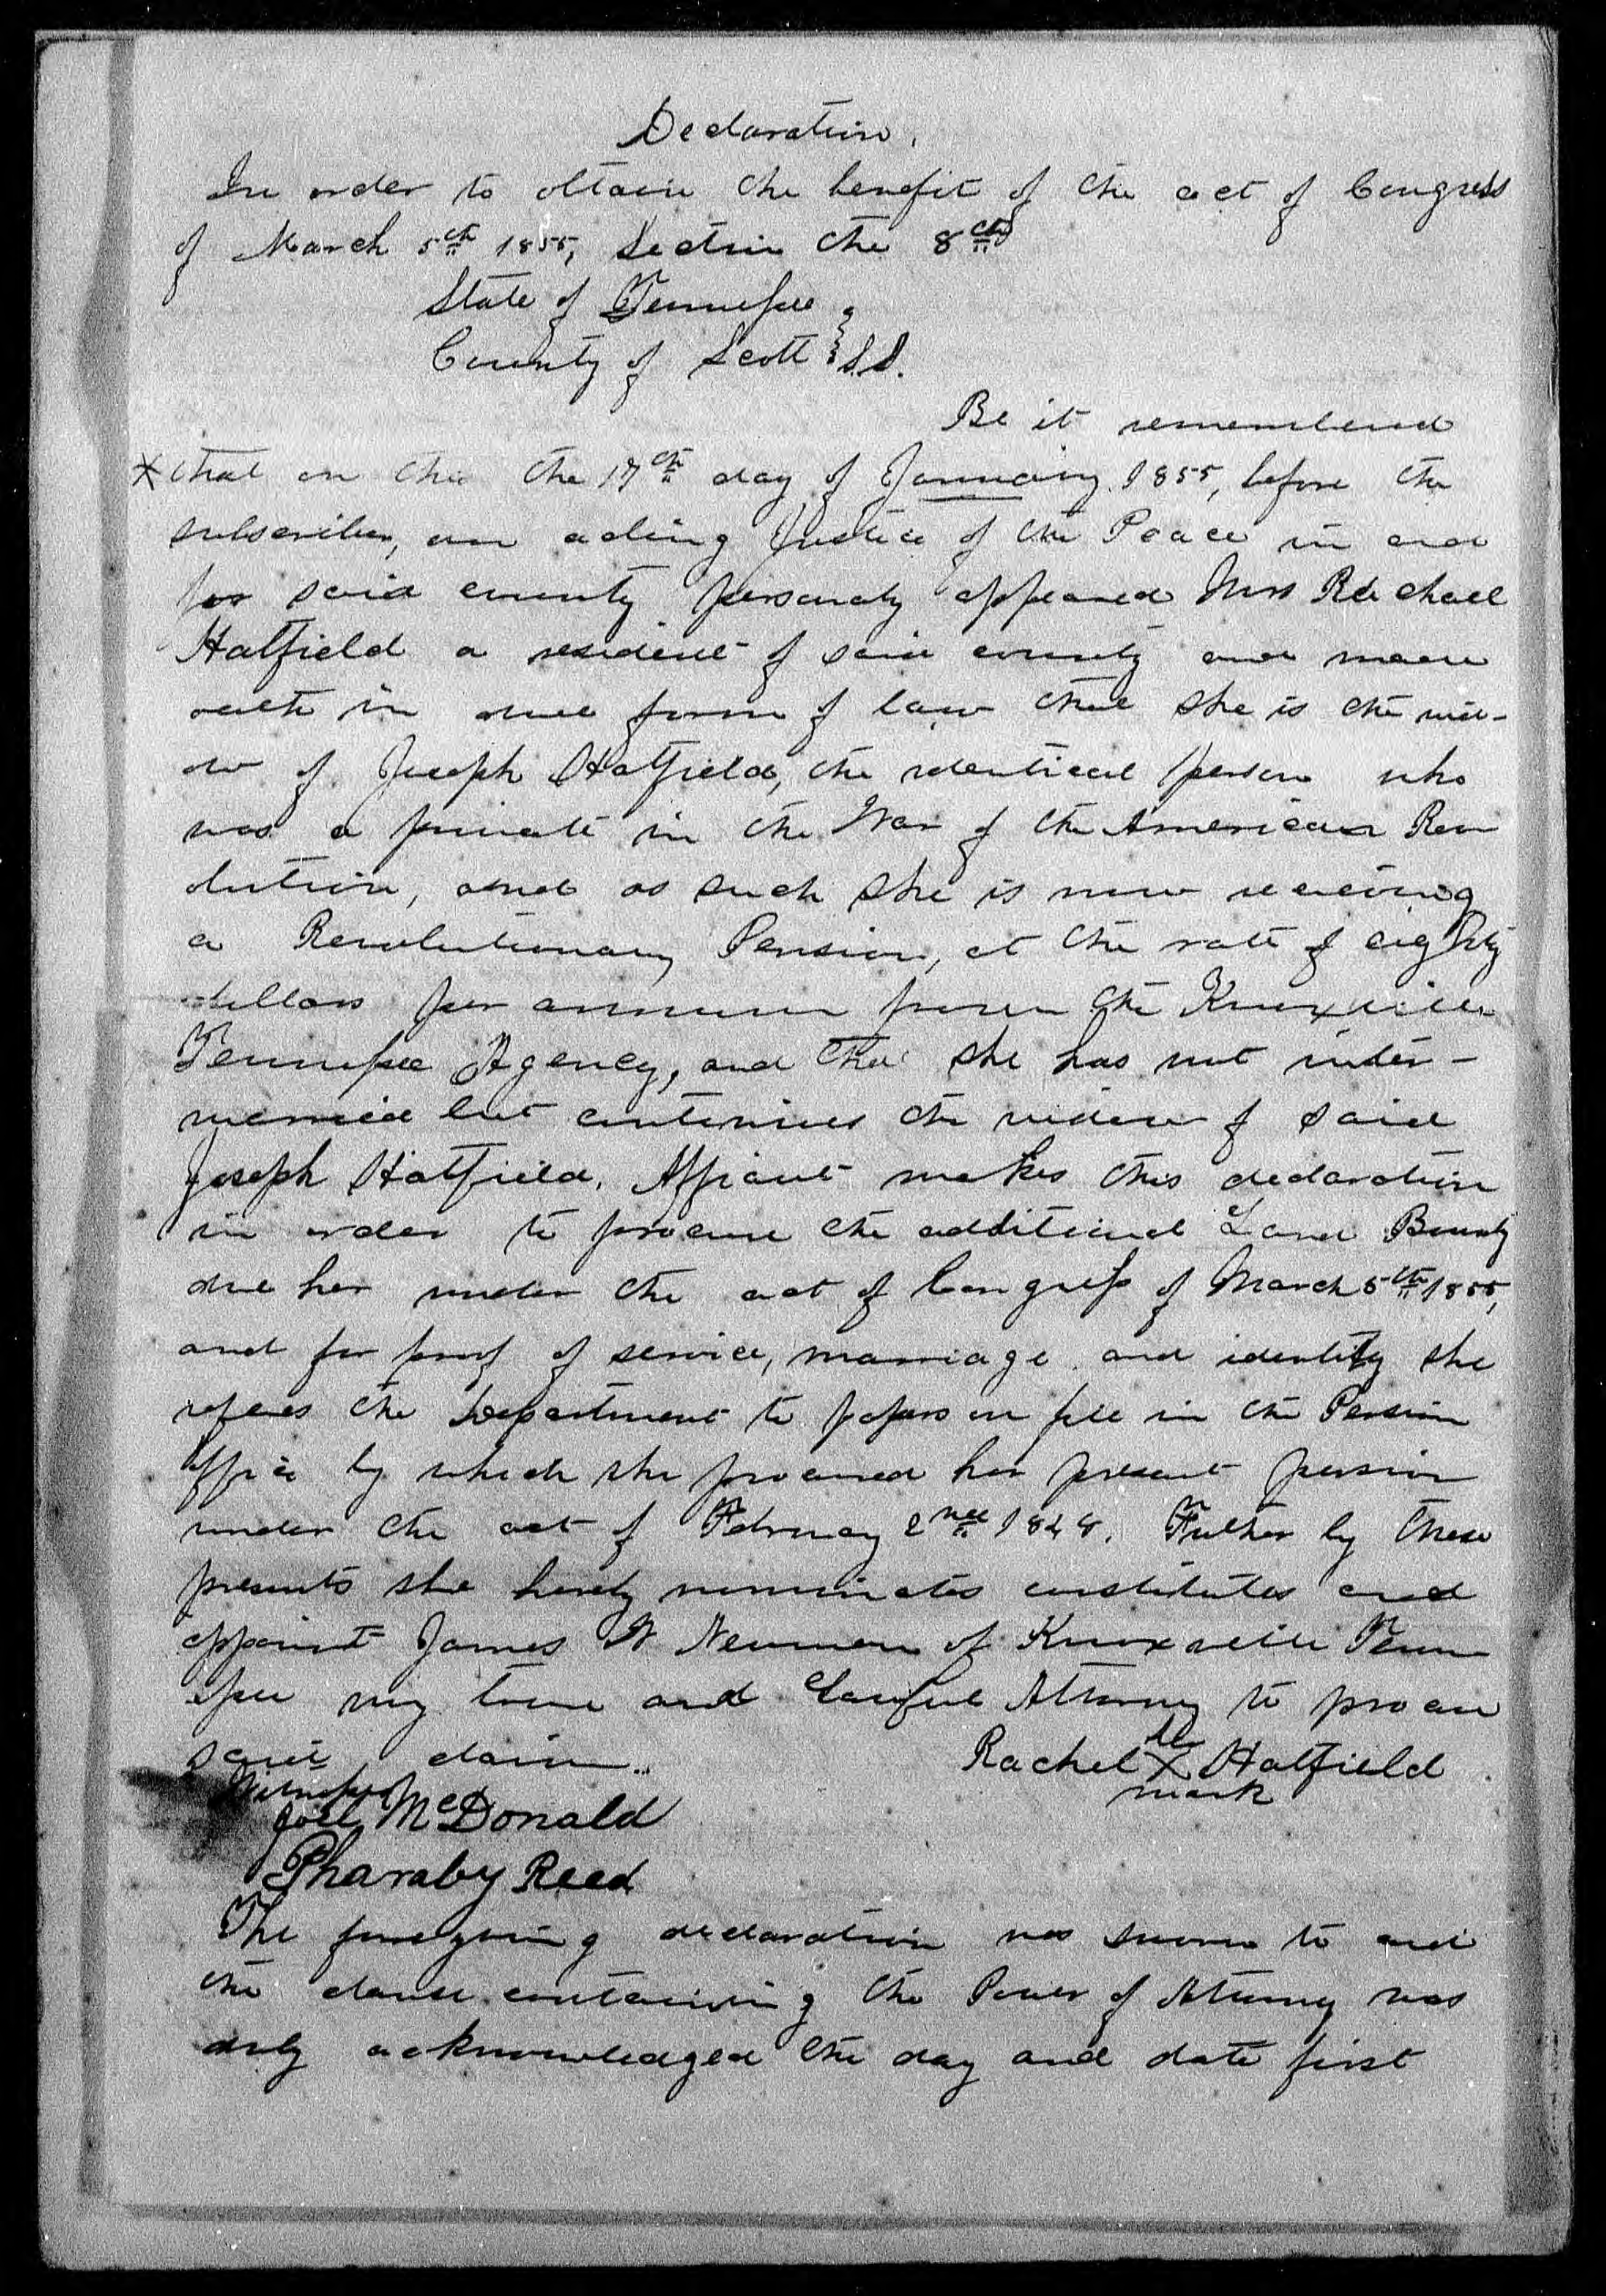Declaration
In order to obtain the benefit of the act of Congress of March 5th 1855, Section the 8th
State of Tennessee
County of Scott       }ss
Be it remembered that on this the 17th day of January 1855, before the subscribed and ordering Justice of the Peace in and for said county personally appeared Mrs. Rachael Hatfield a resident of said county and under oath in due form of law that she is the widow of Joseph Hatfield, the retired pensioner, how was a private in the War of the American Revolution and as such she is now receiving a Revolutionary Pension, at the rate of eighty dollars per annum from the Knoxville Tennessee Agency, and that she has not intermarried but continues the widow of said Joseph Hatfield.  Affirms - makes this declaration in order to process the additional Land Bounty due her under the act of Congress of March 5th 1855, and for proof of service, marriage and identity she refers the department to papers on file in the Pension office by which she procured her present pension under the act of February 2nd 1826. Further by those present she hereby nominates constitutes and appoints James W. Newman of Knoxville Tennessee my true and lawful Attorney to procure said claim.

                 her
Rachael     X   Hatfield
                mark 
Witnessed:
Joel McDonald
Pharaby Reed
The foregoing declaration was sworn to and the clause containing the Power of Attorney was duly acknowledged this day and date first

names: Joseph Hatfield, Joseph Hatfield, Rachel Hatfield, Rachael Hatfield, Joel Mc Donald, James W Newman, Pharaby Reed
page: 7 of 74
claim: widow's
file: W. 5, Joseph Hatfield, Va.